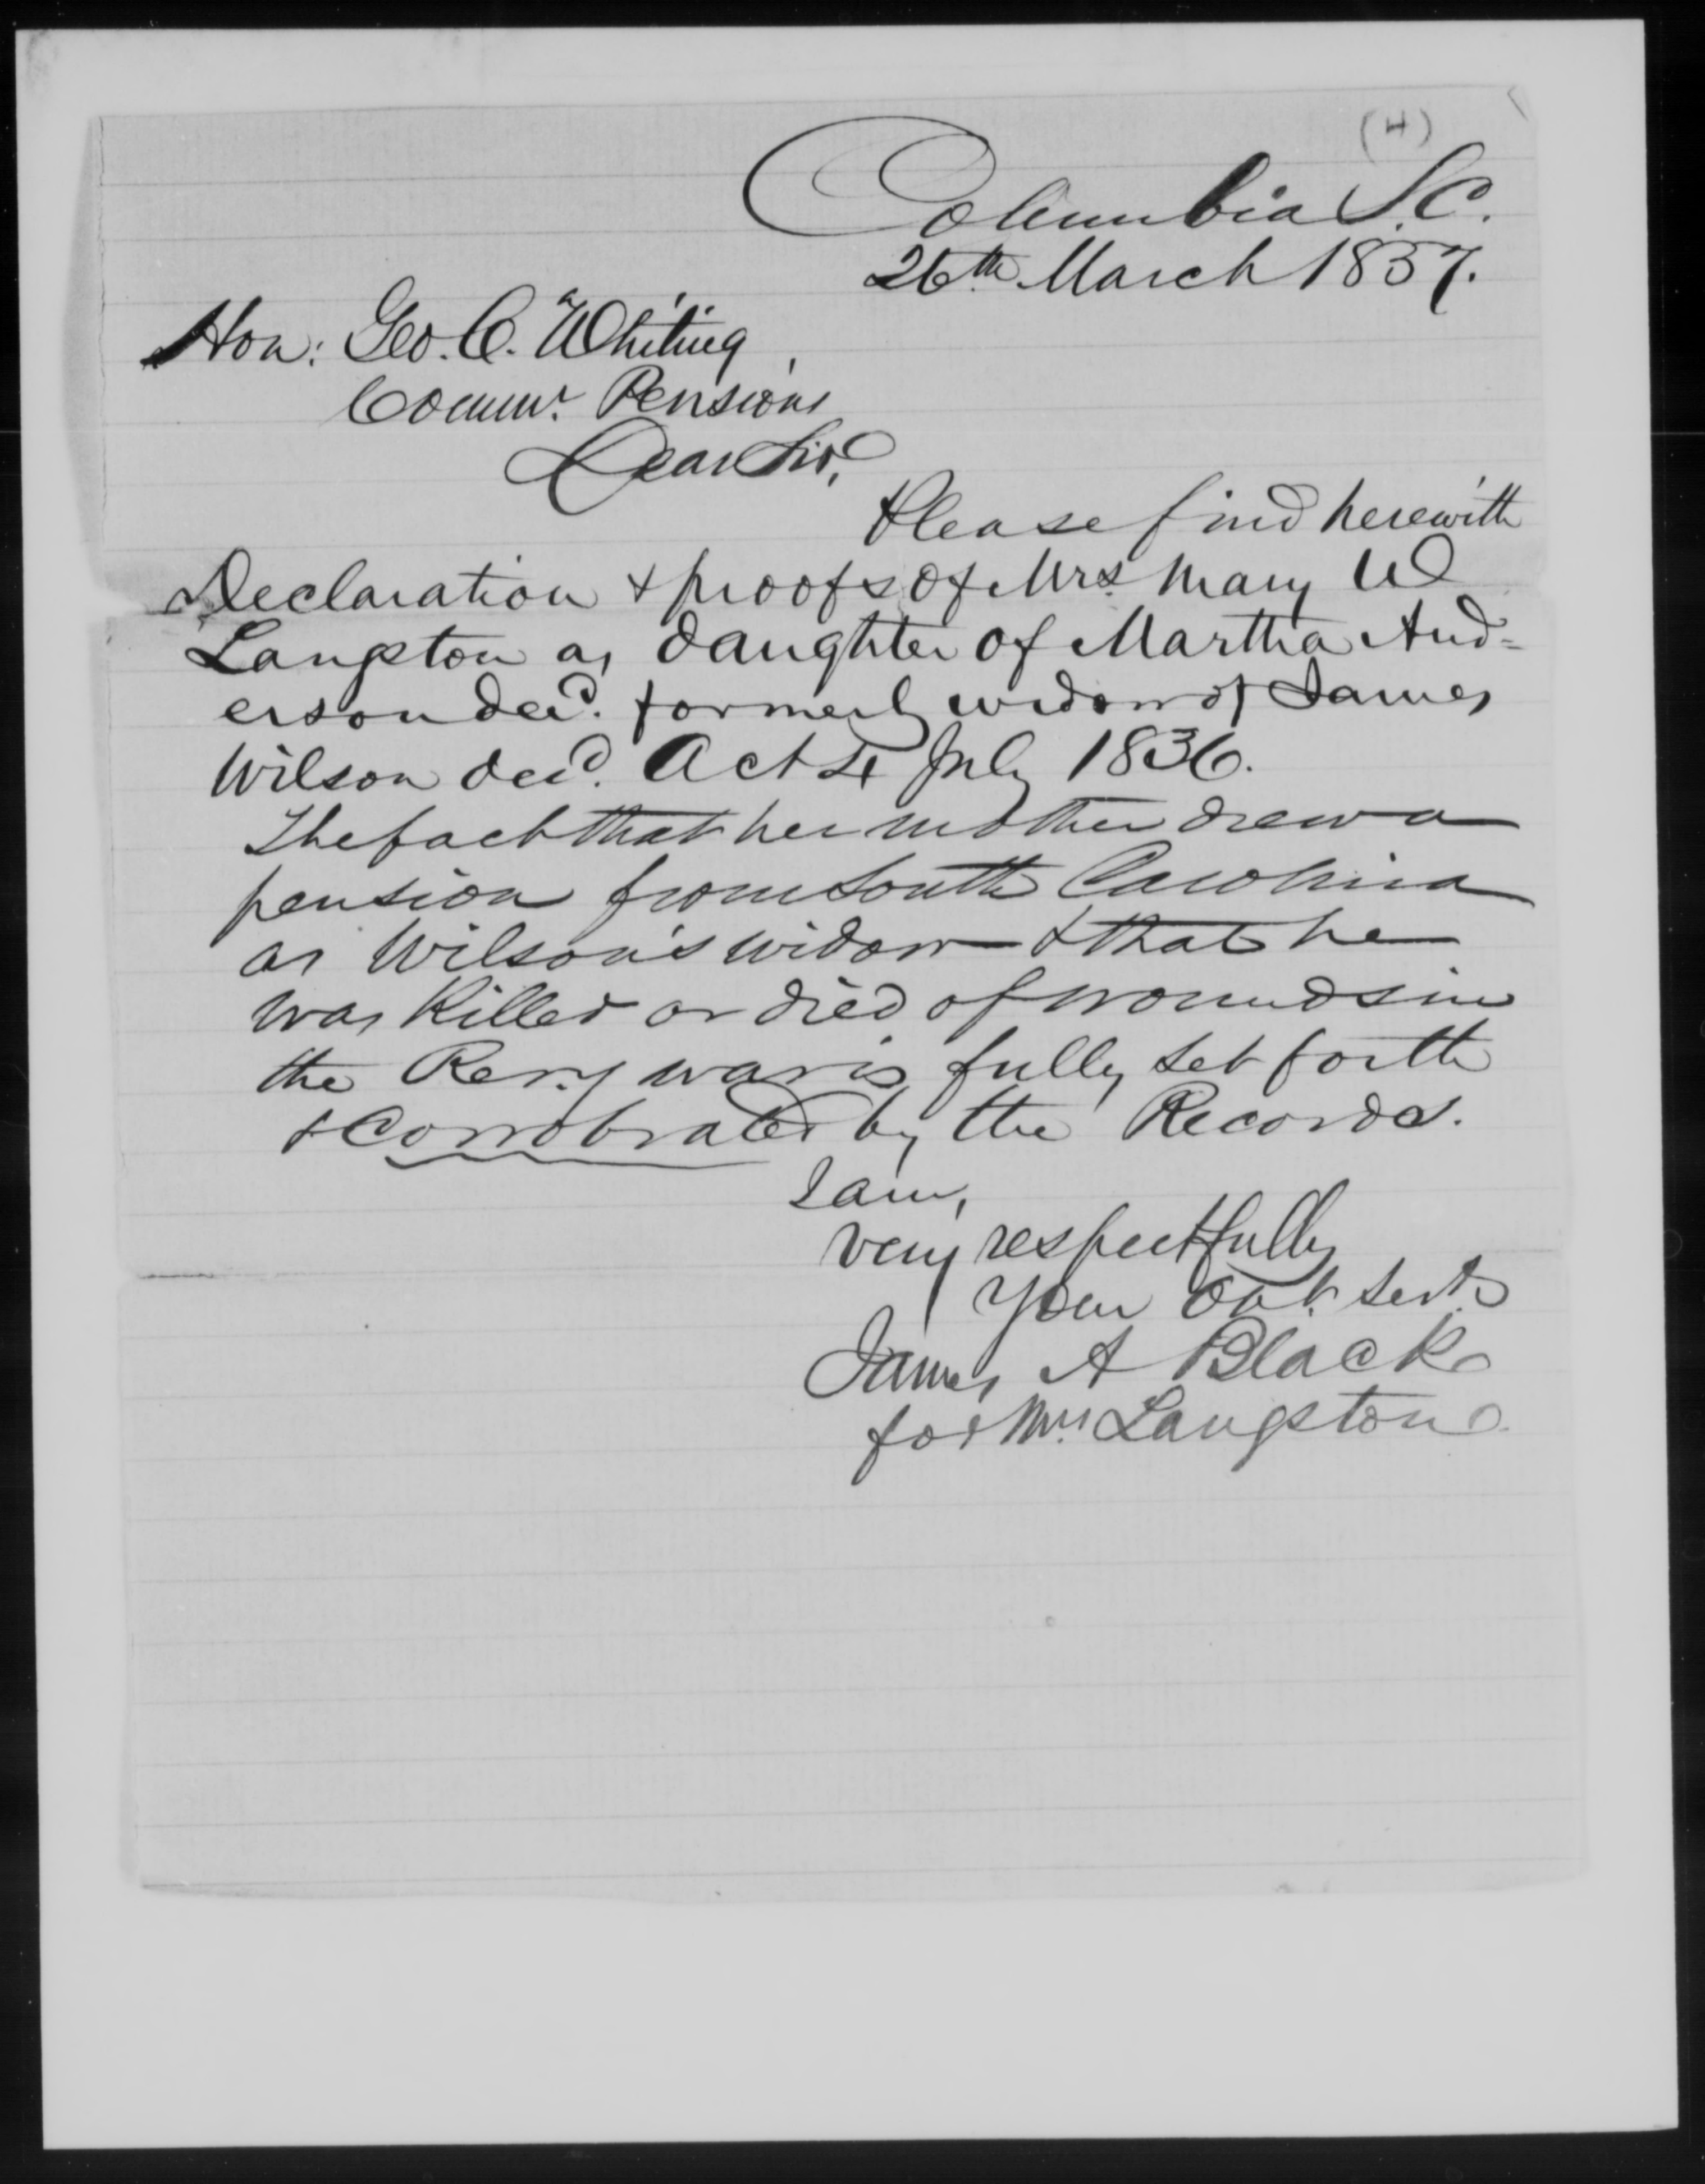(4)
Columbia S.C.
26th March 1857.

Hon. Geo. C. Whiting
Commr. Pensions

Dear Sir,

Please find herewith
Declaration & proof of Mrs. Mary W
Langston a daughter of Martha Anderson 
decd. Act 4 July 1836.
The fact that her mother drew a 
pension from South Carolina
as Wilson's widow & that he 
was killed or died of wounds in 
the Revy war is fully set forth
& corrobrated by the Records.

I am, 
very respectfully
your obt. servt.
James A Black
for Mrs. Langston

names: Geo C Whiting, James A Black, Mary W Langston, James Wilson, Martha Anderson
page: 16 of 18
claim: rejected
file: R. 195, James Wilson, S. C.